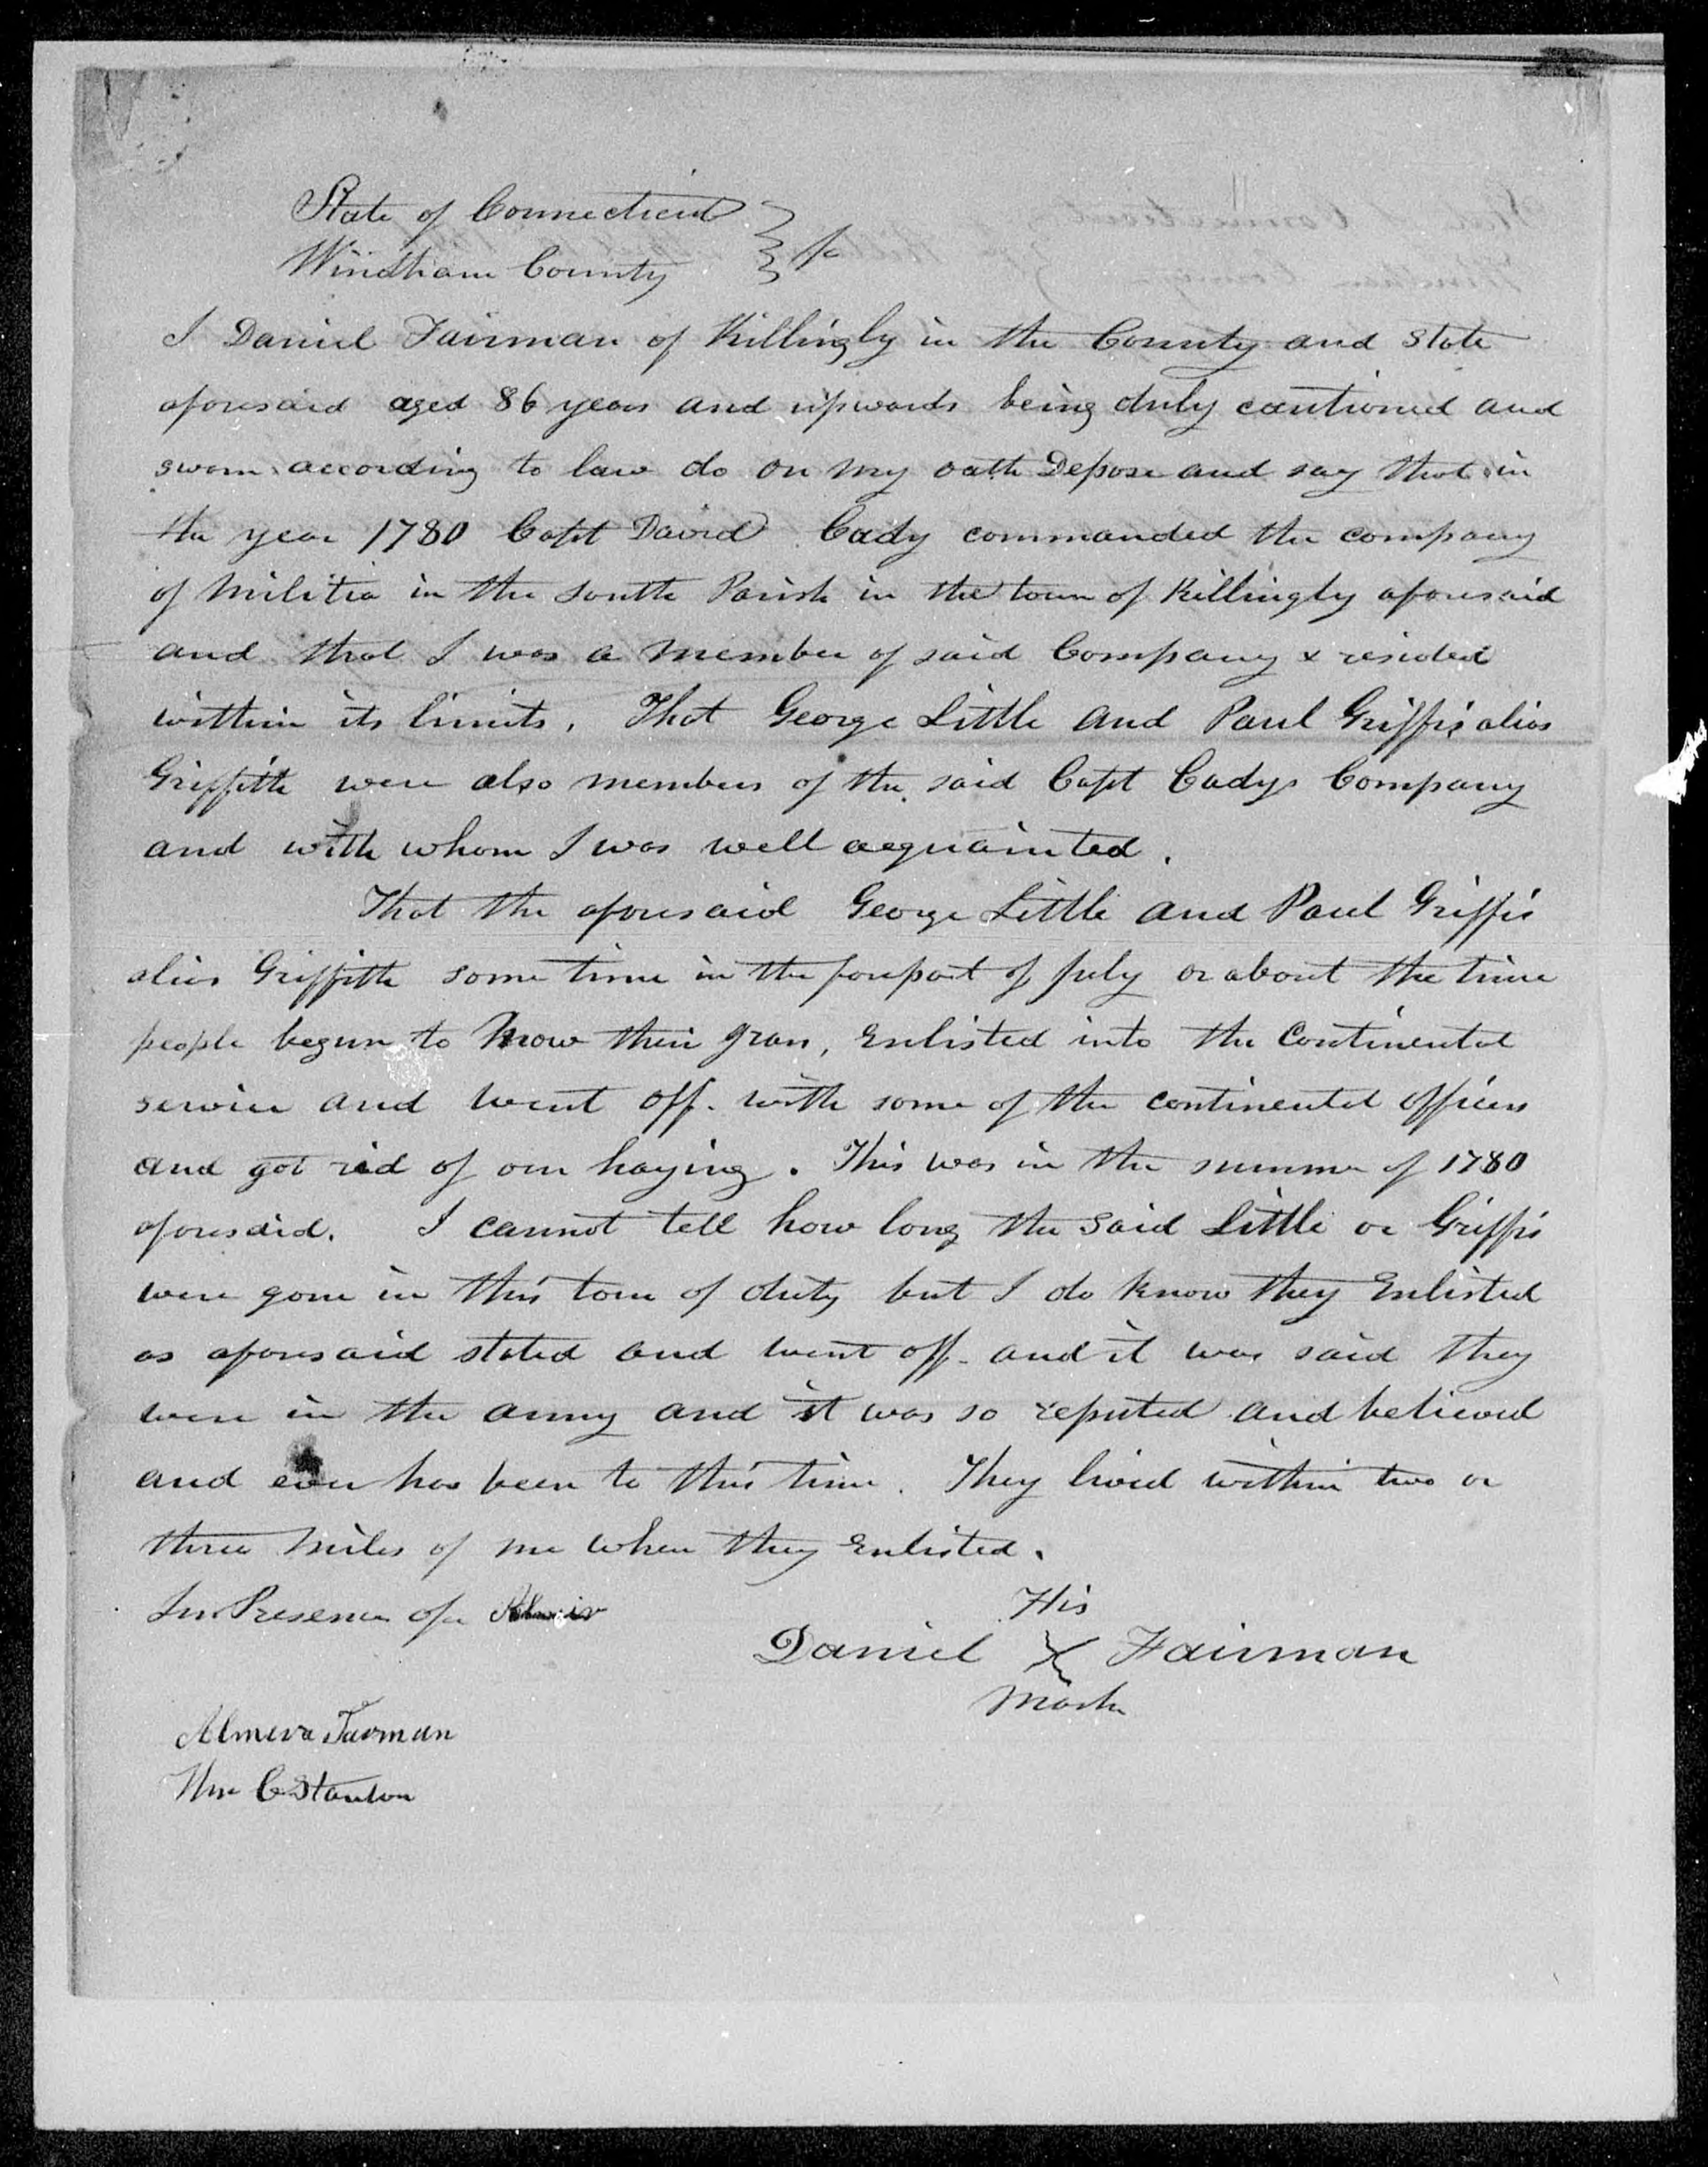State of Connecticut
Windham County} Ss
I Daniel Fairman of Killingly in the County and State
aforesaid aged 86 years and upwards being duly cautioned and
sworn according to law do on my oath depose and say that in
the year 1780 Capt. David Cady commanded the company
of Militia in the South Parish in the town of Killingly aforesaid
and that I was a member of said Company & resided
within its limits. That George Little and Paul Griffis alias
Griffith were also members of the said Capt. Cady’s Company
and with whom I was well acquainted.
That the aforesaid George Little and Paul Griffis
alias Griffith some time in the forepart of July or about the time
people begin to mow their grass, enlisted into the continental
service and went off with some of the continental officers
and got rid of our haying. This was in the summer of 1780
aforesaid. I cannot tell how long the said Little or Griffis
were gone in this tour of duty but I do know they enlisted
as aforesaid stated and went off, and it was said they
were in the army and it was so reputed and believed
and ever has been to this time. They lived within two or
three miles of me when they enlisted.
Daniel Fairman His X mark
In Presence of
Almira Fairman
mark
Wm. C. Stanton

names: David Cady, Griffis, Paul Griffith, Paul Griffis, George Little, Daniel Fairman, Paul Griffith, Daniel Fairman, Paul Griffis, Almira Fairman, George Little, Wm C Stanton, Little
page: 59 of 61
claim: survivor's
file: S. 22798, Paul Griffiths, R.I.